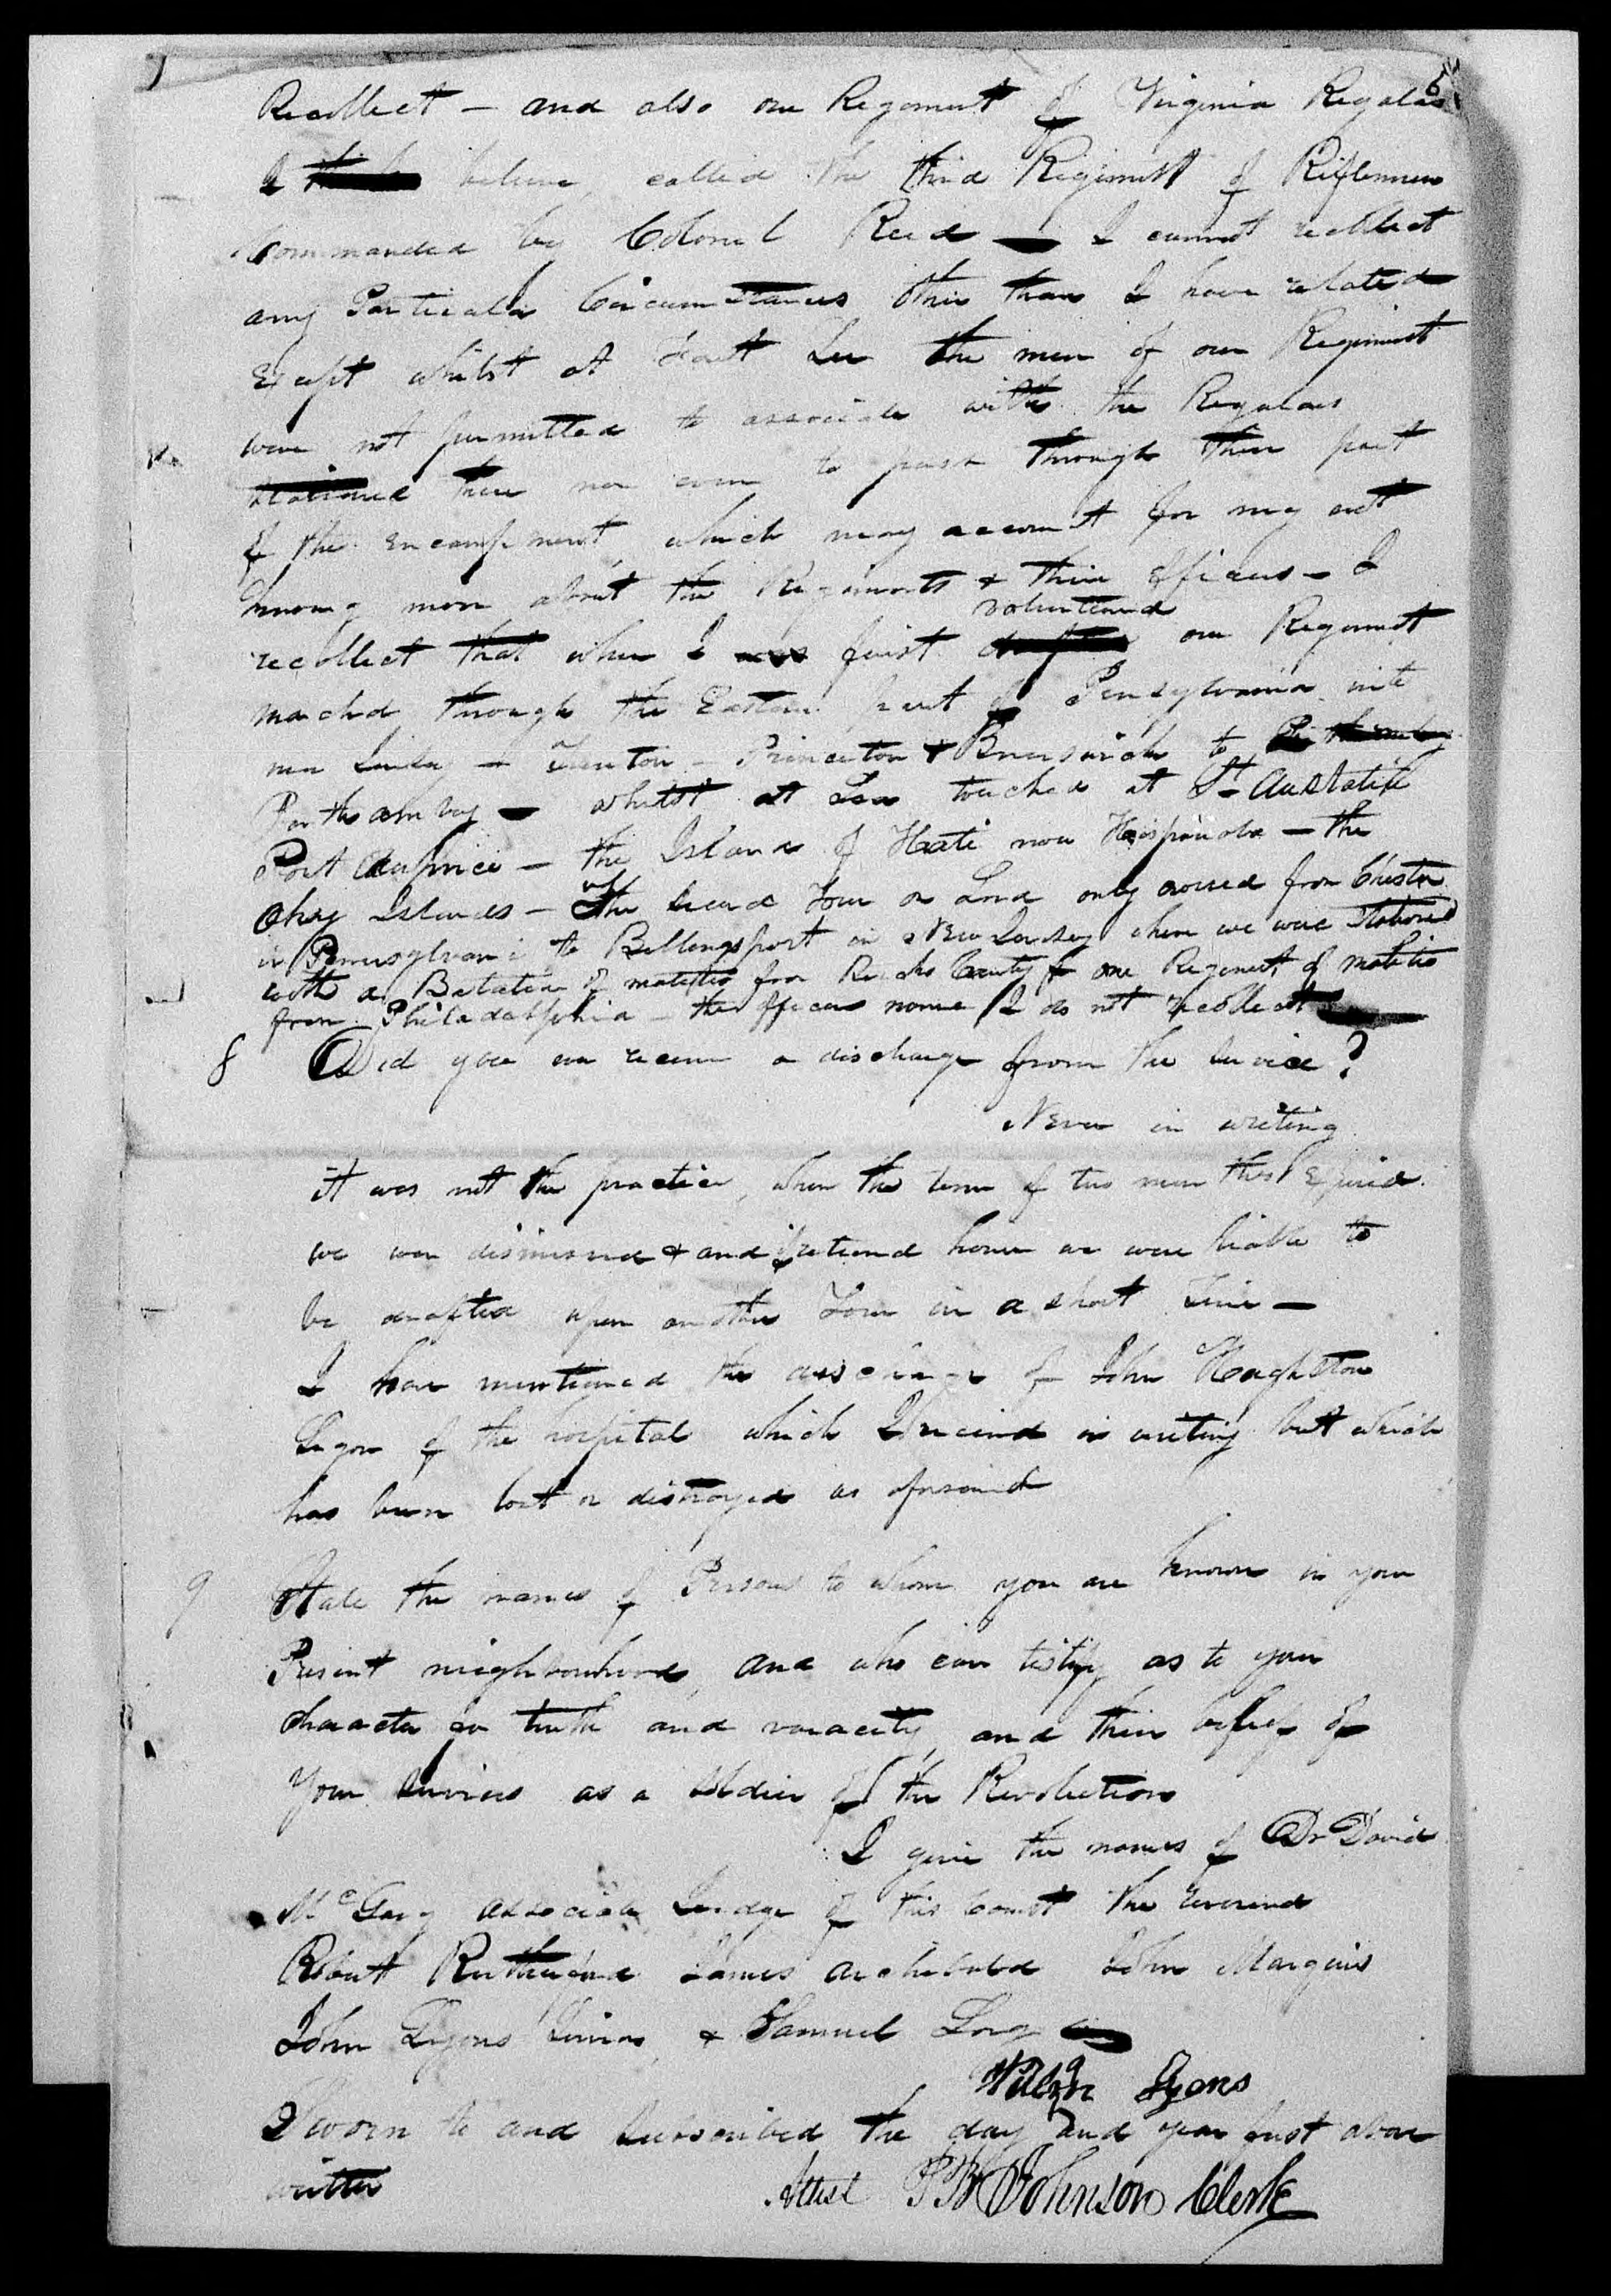Recollect and also our Regiment of Virginia Regulars I believe called the Third Regiment of Riflement cCommanded by Colonel Reed. I cannot recollect any Patriach circumstances other than I have stated each whilst at Fort Lee the men of our Regiment were not permitted to associate with the Regulars stationed there nor any to past through their part of the encampment which may account for my such knowing more about the Regiment and their Officers. I recollect that when I was first volunteered our Regiment marched through the Eastern part of Pennsylvania into Stanton Trenton Princeton and Brunswich to Prothamboy whilst at Loss touched at Lt Austatic  Port Jamica The Island Haiti now Hissauole The Ohry Islands The Second Tour on Land only moved from Chester in Pennsylvania to Billingsport in New Jersey where we were stationed both a Battalion of Malitia from Rioche County one Regiment of malitia from Philadelphia the officers name I do not recollect 
Did you ever become a discharge from the Service? Never in writing. It was not the practice when the time of this nears this required we were dismissed and stationed home we were able to be drafted upon another Town in a short time. 
I have mentioned the  discharged of John Hughston I gave of the hospital which I received in writing but which has been lost or destroyed as aforesaid. 
9. State the names of Persons to whom you are known in you Present neighborhoods and who can testify to your character for truth and veracity and their belief of your service as a Soldier of the Revolution. I give the names of Dr David McGary associate Judge of this  Court the Reverend Robert Rutheford and James Archibold John Marquis John Lyons Lewis and Samuel Long.
Sworn to and Subscribed the day and year first above written Attest B Johnson Clerk William Lyons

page: 11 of 41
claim: survivor's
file: S. 4585, for William Lyons, Pennsylvania